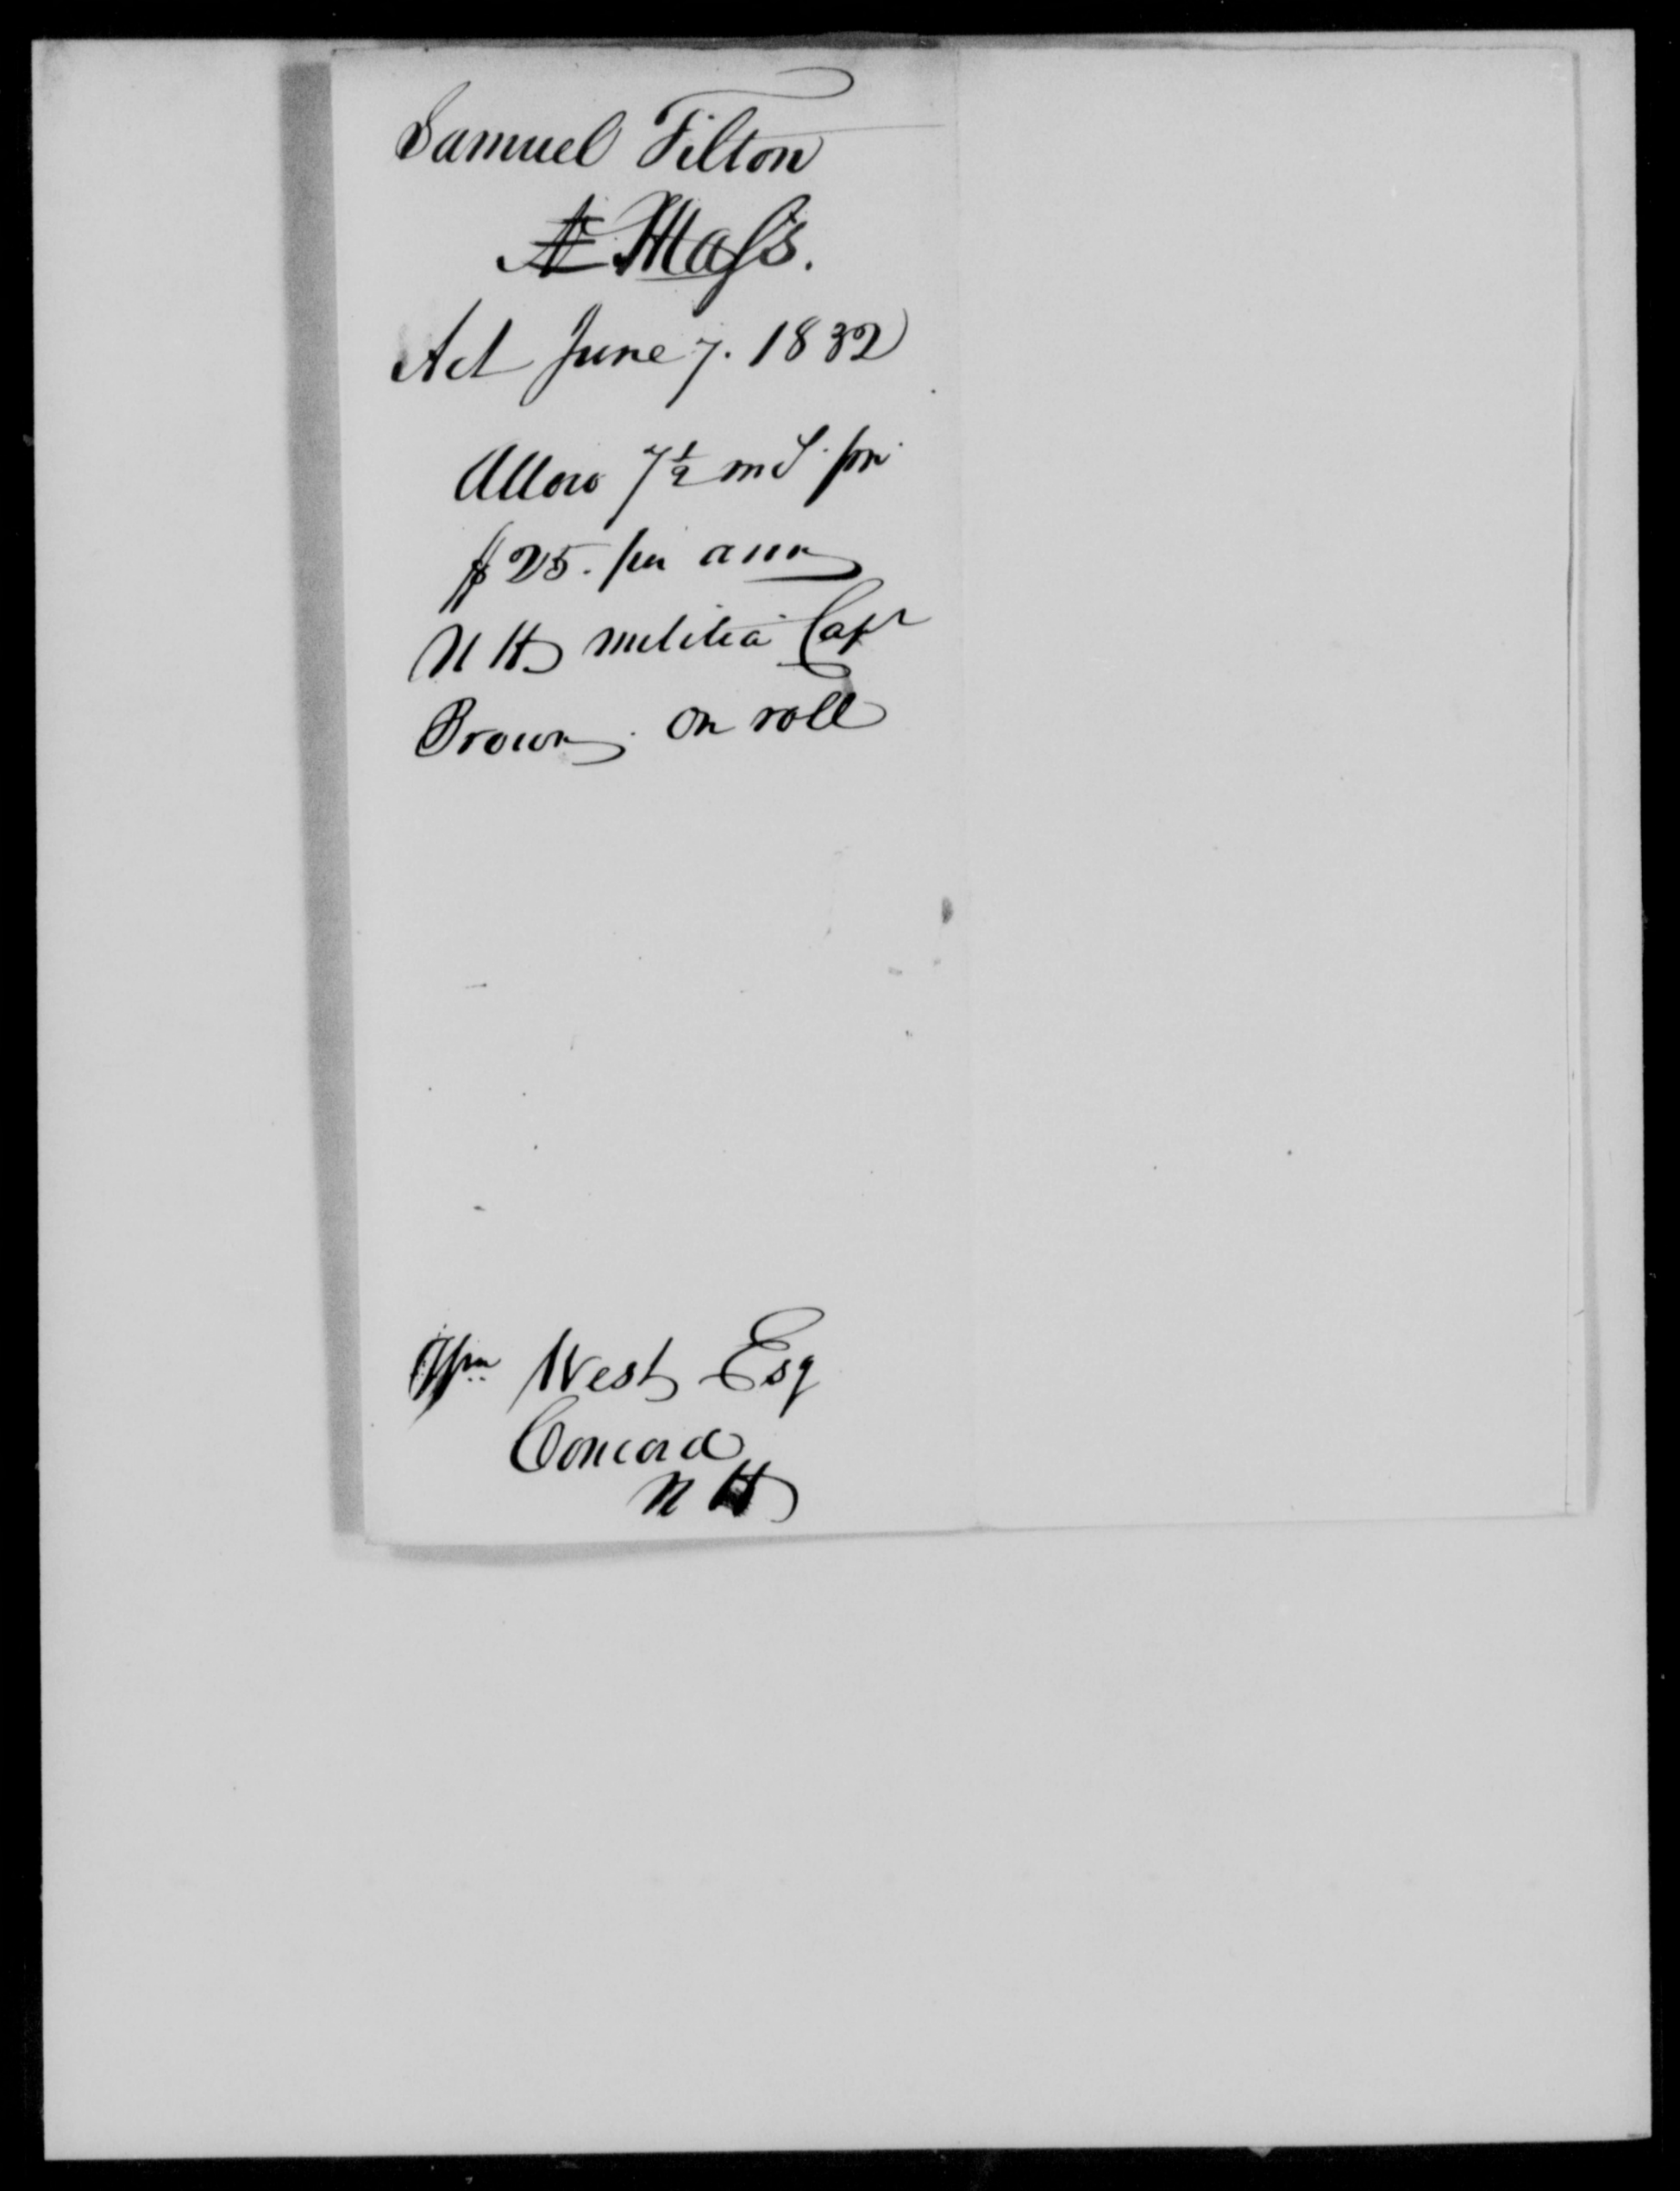Samuel Tilton
N [crossed out] Mass
Act June 7, 1832
Allow 7 1/2 Mos [Months] for
$ 25 per ann
N H militia Capt Brown on roll

Wm West Esq
Concord N H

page: 24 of 55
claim: widow's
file: W. 14,021, for Samuel Tilton, New Hampshire